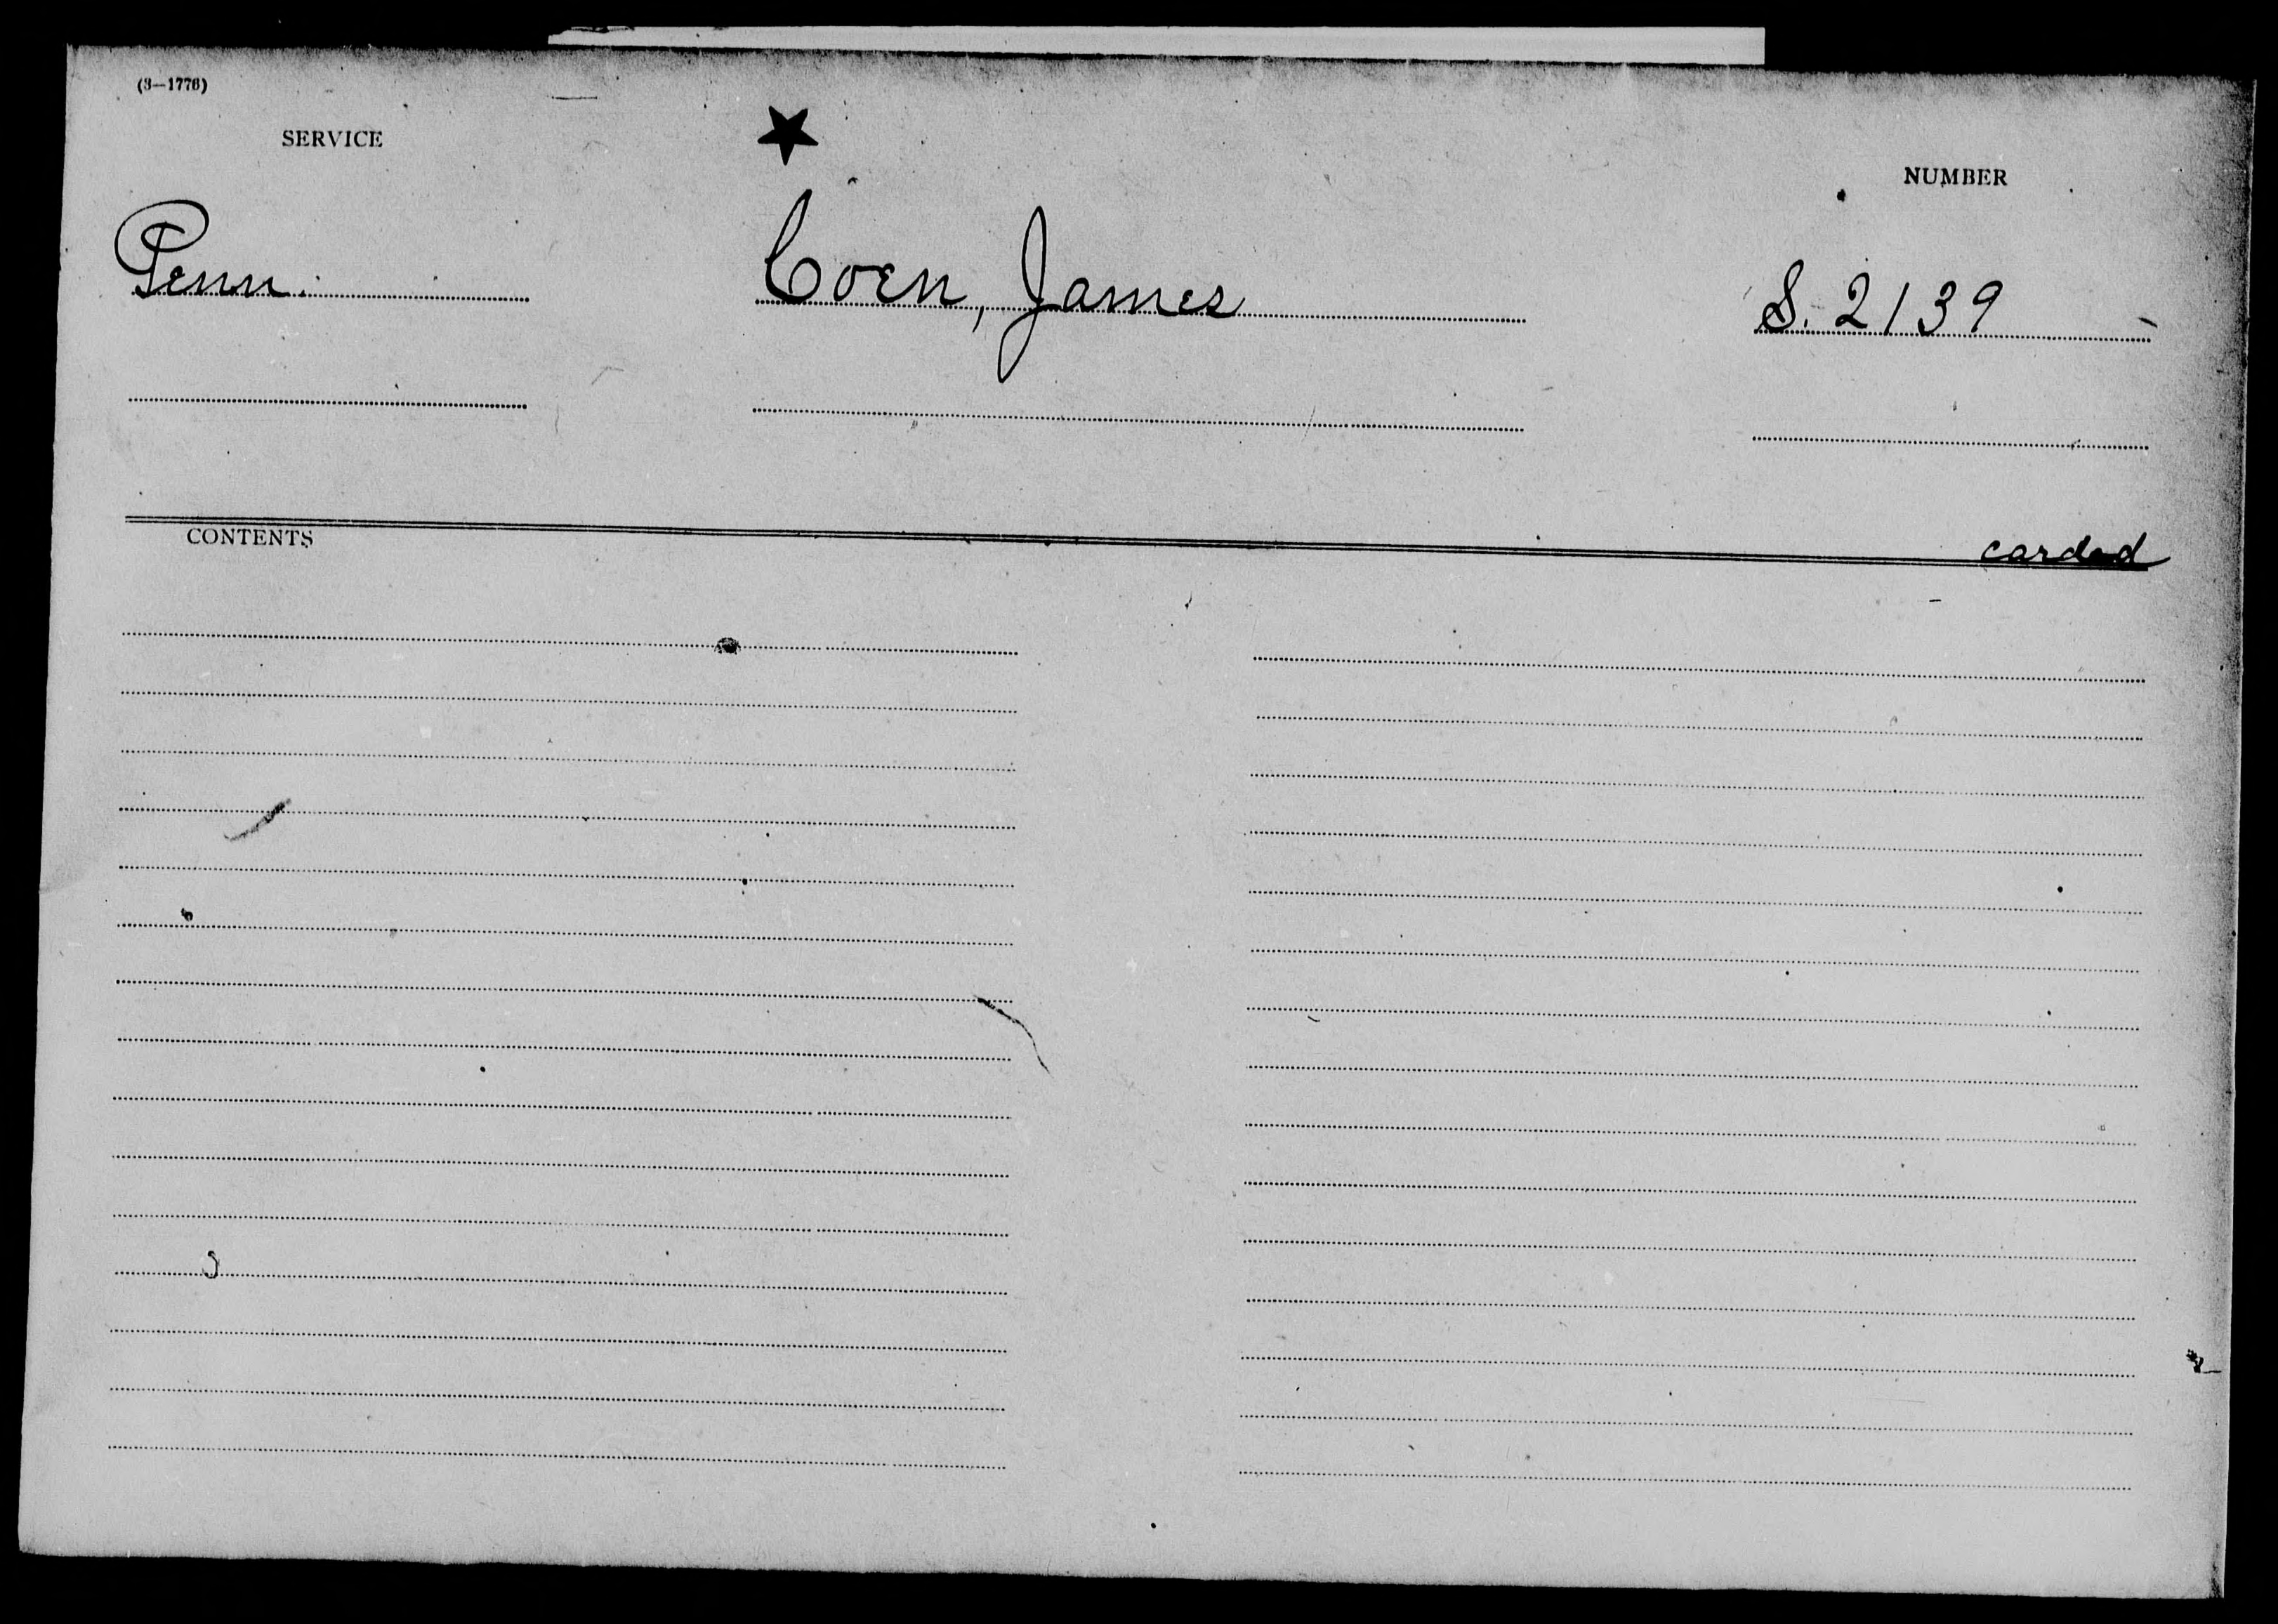Service: Penn

Coen, James
S.2139

carded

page: 1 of 9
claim: survivor's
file: S. 2139, James Coen, Penn.